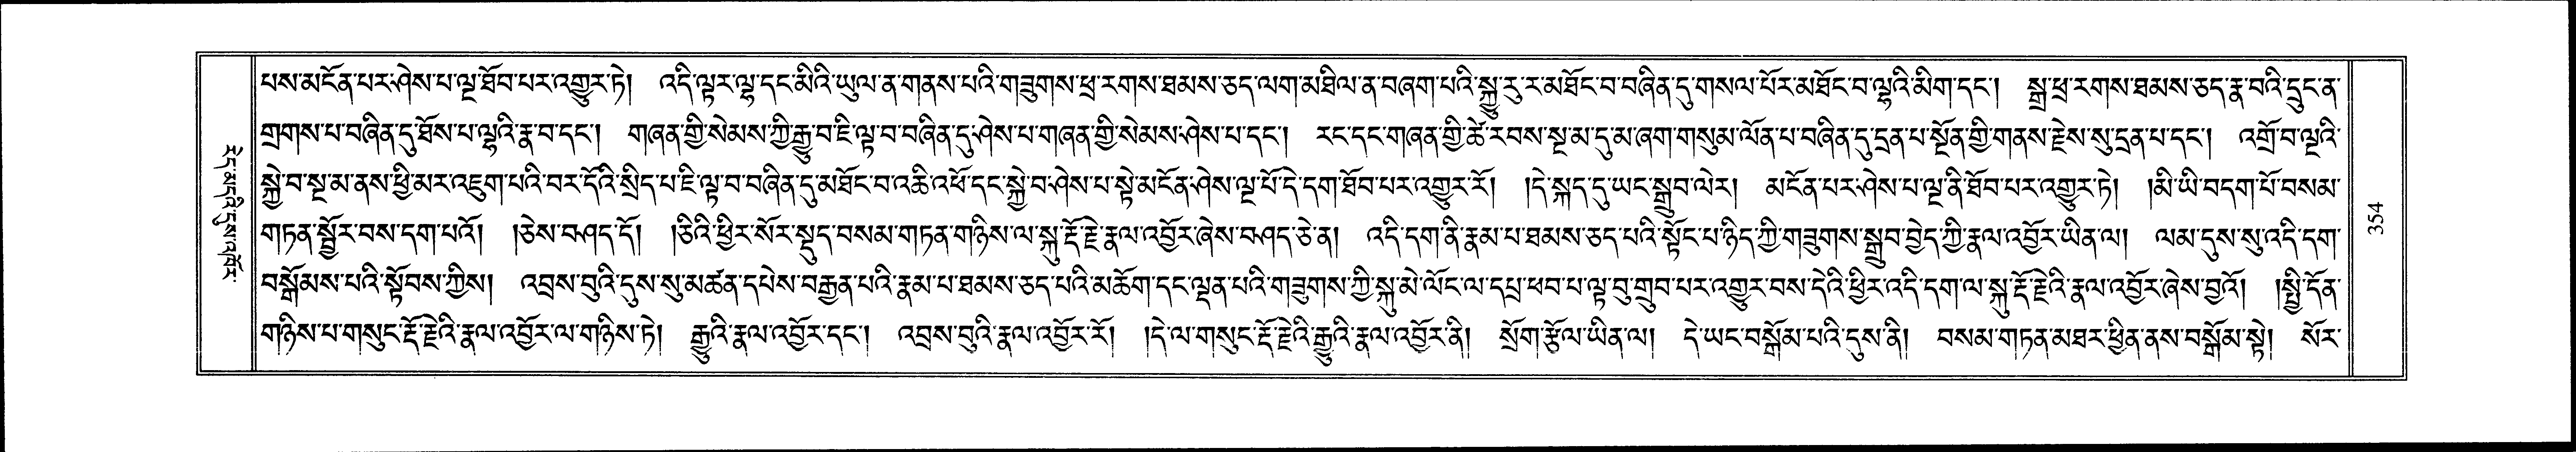པས་མངོན་པར་ཤེས་པ་ལྔ་ཐོབ་པར་འགྱུར་ཏེ། འདི་ལྟར་ལྷ་དང་མིའི་ཡུལ་ན་གནས་པའི་གཟུགས་ཕྲ་རགས་ཐམས་ཅད་ལག་མཐིལ་ན་བཞག་པའི་སྐྱུ་རུ་ར་མཐོང་བ་བཞིན་དུ་གསལ་པོར་མཐོང་བ་ལྷའི་མིག་དང་། སྒྲ་ཕྲ་རགས་ཐམས་ཅད་རྣ་བའི་དྲུང་ན་
གྲགས་པ་བཞིན་དུ་ཐོས་པ་ལྷའི་རྣ་བ་དང་། གཞན་གྱི་སེམས་ཀྱི་རྒྱུ་བ་ཇི་ལྟ་བ་བཞིན་དུ་ཤེས་པ་གཞན་གྱི་སེམས་ཤེས་པ་དང་། རང་དང་གཞན་གྱི་ཚེ་རབས་སྔ་མ་དུ་མ་ཞག་གསུམ་ལོན་པ་བཞིན་དུ་དྲན་པ་སྔོན་གྱི་གནས་རྗེས་སུ་དྲན་པ་དང་། འགྲོ་བ་ལྔའི་
སྐྱེ་བ་སྔ་མ་ནས་ཕྱི་མར་འཇུག་པའི་བར་དོའི་སྲིད་པ་ཇི་ལྟ་བ་བཞིན་དུ་མཐོང་བ་འཆི་འཕོ་དང་སྐྱེ་བ་ཤེས་པ་སྟེ་མངོན་ཤེས་ལྔ་པོ་དེ་དག་ཐོབ་པར་འགྱུར་རོ། །དེ་སྐད་དུ་ཡང་སྒྲུབ་ལེར། མངོན་པར་ཤེས་པ་ལྔ་ནི་ཐོབ་པར་འགྱུར་ཏེ། །མི་ཡི་བདག་པོ་བསམ་
གཏན་སྦྱོར་བས་དག་པའོ། །ཅེས་བཤད་དོ། །ཅིའི་ཕྱིར་སོར་སྡུད་བསམ་གཏན་གཉིས་ལ་སྐུ་རྡོ་རྗེ་རྣལ་འབྱོར་ཞེས་བཤད་ཅེ་ན། འདི་དག་ནི་རྣམ་པ་ཐམས་ཅད་པའི་སྟོང་པ་ཉིད་ཀྱི་གཟུགས་སྒྲུབ་བྱེད་ཀྱི་རྣལ་འབྱོར་ཡིན་ལ། ལམ་དུས་སུ་འདི་དག་
བསྒོམས་པའི་སྟོབས་ཀྱིས། འབྲས་བུའི་དུས་སུ་མཚན་དཔེས་བརྒྱན་པའི་རྣམ་པ་ཐམས་ཅད་པའི་མཆོག་དང་ལྡན་པའི་གཟུགས་ཀྱི་སྐུ་མེ་ལོང་ལ་དཔྲ་ཕབ་པ་ལྟ་བུ་གྲུབ་པར་འགྱུར་བས་དེའི་ཕྱིར་འདི་དག་ལ་སྐུ་རྡོ་རྗེའི་རྣལ་འབྱོར་ཞེས་བྱའོ། །སྤྱི་དོན་
གཉིས་པ་གསུང་རྡོ་རྗེའི་རྣལ་འབྱོར་ལ་གཉིས་ཏེ། རྒྱུའི་རྣལ་འབྱོར་དང་། འབྲས་བུའི་རྣལ་འབྱོར་རོ། །དེ་ལ་གསུང་རྡོ་རྗེའི་རྒྱུའི་རྣལ་འབྱོར་ནི། སྲོག་རྩོལ་ཡིན་ལ། དེ་ཡང་བསྒོམ་པའི་དུས་ནི། བསམ་གཏན་མཐར་ཕྱིན་ནས་བསྒོམ་སྟེ། སོར་